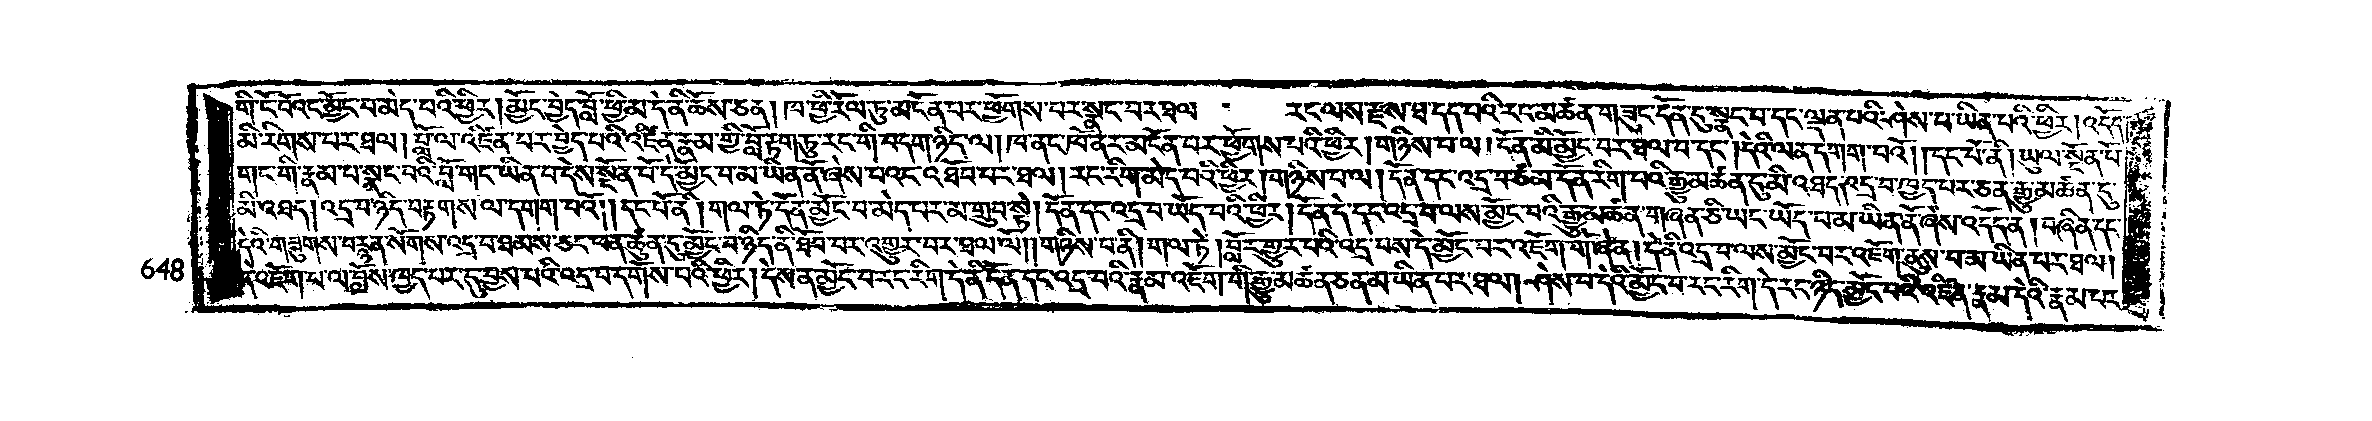གི་ངོ་བོའང་མྱོང་བ་མེད་པའི་ཕྱིར། མྱོང་བྱེད་བློ་ཕྱི་མ་དེ་ནི་ཆོས་ཅན། ཁ་ཕྱི་རོལ་ཏུ་མངོན་པར་ཕྱོགས་པར་སྣང་བར་ཐལ་། རང་ལས་རྫས་ཐ་དད་པའི་རང་མཚན་གཟུང་དོན་དུ་སྣང་བ་དང་ལྡན་པའི་ཤེས་པ་ཡིན་པའི་ཕྱིར། འདོད་
མི་རིགས་པར་ཐལ། བློ་ལ་འཛིན་པར་བྱེད་པའི་འཛིན་རྣམ་གྱི་བློ་རྟག་ཏུ་རང་གི་བདག་ཉིད་ལ། ཁ་ནང་ཁོ་ནར་མངོན་པར་ཕྱིགས་?་པའི་ཕྱིར། གཉིས་པ་ལ། དོན་མི་མྱོང་བར་ཐལ་བ་དང་། དེའི་ལན་དགག་པའོ། །དང་པོ་ནི། ཡུལ་སྔོན་པོ་
གང་གི་རྣམ་པ་སྣང་བའི་བློ་གང་ཡིན་པ་དེས་སྔོན་པོ་དེ་མྱོང་བ་མ་ཡིན་ནོ་ཞེས་པའང་འཐོབ་པར་ཐལ། རང་རིག་མེད་པའི་ཕྱིར། གཉིས་པ་ལ། དོན་དང་འདྲ་བ་ཙམ་དོན་རིག་པའི་རྒྱུ་མཚན་དུ་མི་འཐད། འདྲ་བ་ཁྱད་པར་ཅན་རྒྱུ་མཚན་དུ་
མི་འཐད། འདྲ་བ་ཉིད་བརྟགས་ལ་དགག་པའོ། །དང་པོ་ནི། གལ་ཏེ་དོན་མྱོང་བ་མེད་པར་མ་གྲུབ་སྟེ། དོན་དང་འདྲ་བ་ཡོད་པའི་ཕྱིར། དོན་དེ་དང་འདྲ་བ་ལས་མྱོང་བའི་རྒྱུ་མཚན་གཞན་ཅི་ཡང་ཡོད་པ་མ་ཡིན་ནོ་ཞེས་འདོད་ན། བཞིན་དང་
དེའི་གཟུགས་བརྙན་སོགས་འདྲ་བ་ཐམས་ཅད་ཕན་ཚུན་དུ་མྱོང་བ་ཉིད་ནི་ཐོབ་པར་འགྱུར་བར་ཐལ་ལོ། །གཉིས་པ་ནི། གལ་ཏེ། བློར་གྱུར་པའི་འདྲ་བས་དེ་མྱོང་བར་འཇོག་གོ་ཞེ་ན། དེ་ནི་འདྲ་བ་ལས་མྱོང་བར་འཇོག་ནུས་པ་མ་ཡིན་པར་ཐལ།
དེ་འཇོག་པ་ལ་བློས་ཁྱད་པར་དུ་བྱས་པའི་འདྲ་བ་དགོས་པའི་ཕྱིར། དེས་ན་མྱོང་བ་རང་རིག་དེ་ནི་དོན་དང་འདྲ་བའི་རྣམ་འཇོག་གི་རྒྱུ་མཚན་ཅན་མ་ཡིན་པར་ཐལ། ཤེས་པ་དེའི་མྱོང་བ་རང་རིག་དེ་རང་ཉིད་མྱོང་བའི་འཛིན་རྣམ་དེའི་རྣམ་པར་